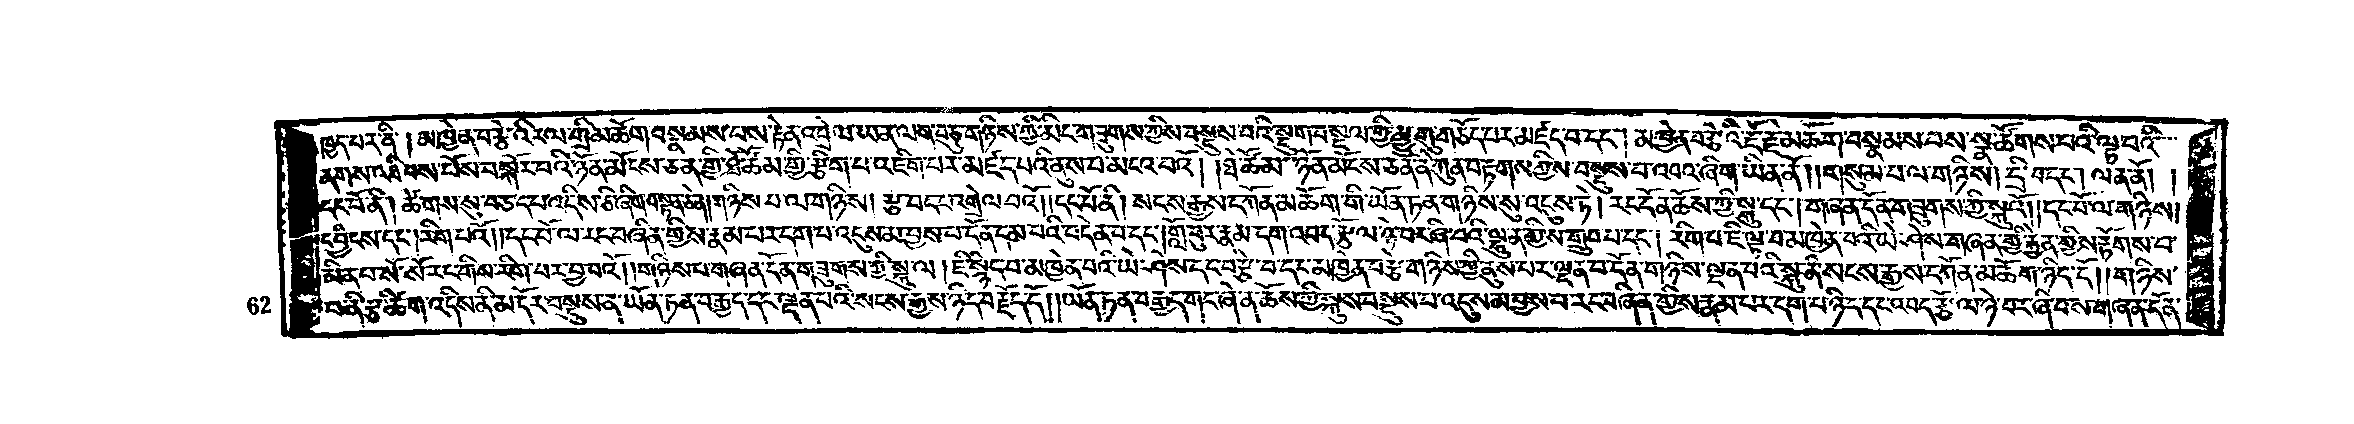ཁྱད་པར་ནི། མཁྱེན་པ་རྩེའི་རལ་གྲི་མཆོག་བསྣམས་པས་རྟེན་འབྲེལ་ཡན་ལག་བཅུ་གཉིས་ཀྱི་མིང་གཟུགས་ཀྱིས་བསྡུས་པའི་སྡུག་བསྔལ་གྱི་མྱུ་གུ་གཅོད་པར་མཛད་པ་དང་། མཁྱེན་བརྩེའི་རྡོ་རྗེ་མཆོག་བསྣམས་པས་སྣ་ཚོགས་པའི་ལྟ་བའི་
ནགས་འཐིབས་པོས་བསྐོར་བའི་ཉོན་མོངས་ཅན་གྱི་ཐེ་ཚོམ་གྱི་རྩིག་པ་ཇིག་པར་མཛད་པའི་ནུས་པ་མངའ་བའོ། །ཐེ་ཚོམ་ཉོན་མོངས་ཅན་ནི་ཀུན་བརྟགས་ཀྱིས་བསྡུས་པ་འབའ་ཞིག་ཡིན་ནོ། །གསུམ་པ་ལ་གཉིས། དྲི་བ་དང་། ལན་ནོ། །
དང་པོ་ནི། ཚིགས་སུ་བཅད་པ་འདིས་ཅི་ཞིག་བསྟན་ཅེ་ན། །གཉིས་པ་ལ་གཉིས། རྩ་བ་དང་འགྲེལ་པའོ། །དང་པོ་ནི། སངས་རྒྱས་དཀོན་མཆོག་གི་ཡོན་ཏན་གཉིས་སུ་འདུས་ཏེ། རང་དོན་ཆོས་ཀྱི་སྐུ་དང་། གཞན་དོན་གཟུགས་ཀྱི་སྐུའོ། །དང་པོ་ལ་གཉིས།
དབྱིངས་དང་། རིག་པའོ། །དང་པོ་ལ་རང་བཞིན་གྱིས་རྣམ་པར་དག་པ་འདུས་མ་བྱས་པ་དོན་དམ་པའི་བདེན་པ་དང་། གློ་བུར་རྣམ་དག་འབད་རྩོལ་ཉེ་བར་ཞི་བའི་ལྷུན་གྱིས་གྲུབ་པ་དང་། རིག་པ་ཇི་ལྟ་བ་མཁྱེན་པའི་ཡི་ཤེས་གཞན་གྱི་རྐྱེན་གྱིས་རྟོགས་པ་
མིན་པ་སོ་སོ་རང་གིས་རིག་པར་བྱ་བའོ། །གཉིས་པ་གཞན་དོན་གཟུགས་ཀྱི་སྐུ་ལ། ཇི་སྙེད་པ་མཁྱེན་པའི་ཡི་ཤེས་དང་བརྩེ་བ་དང་མཁྱེན་པ་རྩེ་གཉིས་ཀྱི་ནུས་པར་ལྡན་པ་དོན་གཉིས་ལྡན་པའི་སྐུ་ནི་སངས་རྒྱས་དཀོན་མཆོག་ཉིད་དོ། །གཉིས་
པ་ནི་རྩ་ཚིག་འདིས་ནི་མདོར་བསྡུས་ན་ཡོན་ཏན་བརྒྱད་དང་ལྡན་པའི་སངས་རྒྱས་ཉིད་བརྗོད་དོ། །ཡོན་ཏན་བརྒྱད་གང་ཞེ་ན་ཆོས་ཀྱི་སྐུས་བསྡུས་པ་འདུས་མ་བྱས་པ་རང་བཞིན་གྱིས་རྣམ་པར་དག་པ་ཉིད་དང་འབད་རྩེ་ལ་ཉེ་བར་ཞི་བས་གཞན་དོན་